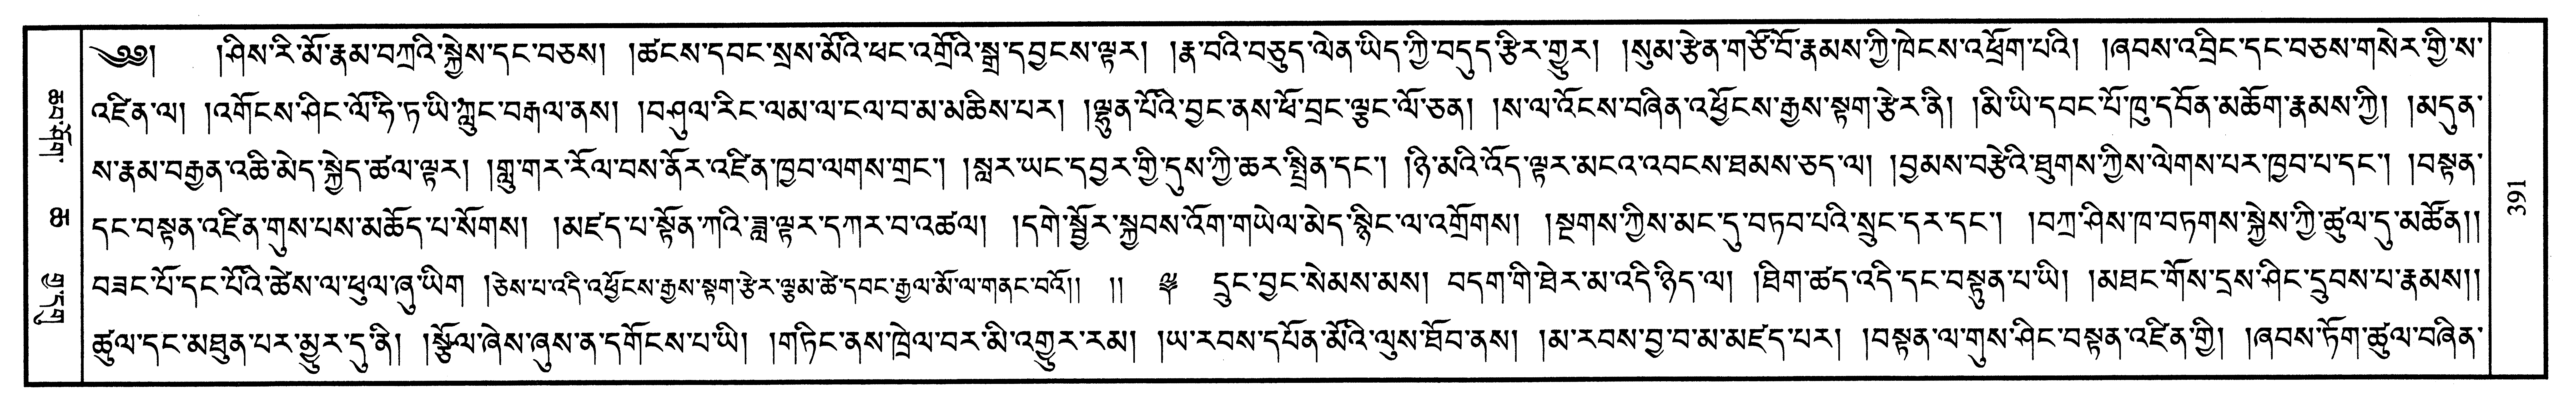༄༅། །ཤིས་རི་མོ་རྣམ་བཀྲའི་སྐྱེས་དང་བཅས། །ཚངས་དབང་སྲས་མོའི་ཕང་འགྲོའི་སྒྲ་དབྱངས་ལྟར། །རྣ་བའི་བཅུད་ལེན་ཡིད་ཀྱི་བདུད་རྩིར་གྱུར། །སུམ་རྩེན་གཙོ་བོ་རྣམས་ཀྱི་ཁེངས་འཕྲོག་པའི། །ཞབས་འབྲིང་དང་བཅས་གསེར་གྱི་ས་
འཛིན་ལ། །འགོངས་ཤིང་ལོ་ཧི་ཏ་ཡི་ཀླུང་བརྒལ་ནས། །བཤུལ་རིང་ལམ་ལ་ངལ་བ་མ་མཆིས་པར། །ལྷུན་པོའི་བྱང་ནས་ཕོ་བྲང་ལྕང་ལོ་ཅན། །ས་ལ་འོངས་བཞིན་འཕྱོངས་རྒྱས་སྟག་རྩེར་ནི། །མི་ཡི་དབང་པོ་ཁུ་དབོན་མཆོག་རྣམས་ཀྱི། །མདུན་
ས་རྣམ་བརྒྱན་འཆི་མེད་སྐྱེད་ཚལ་ལྟར། །གླུ་གར་རོལ་བས་ནོར་འཛིན་ཁྱབ་ལགས་གྲང་། །སླར་ཡང་དབྱར་གྱི་དུས་ཀྱི་ཆར་སྤྲིན་དང་། །ཉི་མའི་འོད་ལྟར་མངའ་འབངས་ཐམས་ཅད་ལ། །བྱམས་བརྩེའི་ཐུགས་ཀྱིས་ལེགས་པར་ཁྱབ་པ་དང་། །བསྟན་
དང་བསྟན་འཛིན་གུས་པས་མཆོད་པ་སོགས། །མཛད་པ་སྟོན་ཀའི་ཟླ་ལྟར་དཀར་བ་འཚལ། །དགེ་སྦྱོར་སྐྱབས་འོག་གཡེལ་མེད་སྙིང་ལ་འགྲོགས། །སྔགས་ཀྱིས་མང་དུ་བཏབ་པའི་སྲུང་དར་དང་། །བཀྲ་ཤིས་ཁ་བཏགས་སྐྱེས་ཀྱི་ཚུལ་དུ་མཚོན།།
བཟང་པོ་དང་པོའི་ཚེས་ལ་ཕུལ་ཞུ་ཡིག །ཅེས་པ་འདི་འཕྱོངས་རྒྱས་སྟག་རྩེར་ལྕམ་ཚེ་དབང་རྒྱལ་མོ་ལ་གནང་བའོ།། །། ༈ དྲུང་བྱང་སེམས་མས། བདག་གི་ཐེར་མ་འདི་ཉིད་ལ། །ཐིག་ཚད་འདི་དང་བསྟུན་པ་ཡི། །མཐང་གོས་དྲས་ཤིང་དྲུབས་པ་རྣམས།།
ཚུལ་དང་མཐུན་པར་མྱུར་དུ་ནི། །སྩོལ་ཞེས་ཞུས་ན་དགོངས་པ་ཡི། །གཏིང་ནས་ཁྲེལ་བར་མི་འགྱུར་རམ། །ཡ་རབས་དཔོན་མོའི་ལུས་ཐོབ་ནས། །མ་རབས་བྱ་བ་མ་མཛད་པར། །བསྟན་ལ་གུས་ཤིང་བསྟན་འཛིན་གྱི། །ཞབས་ཏོག་ཚུལ་བཞིན་